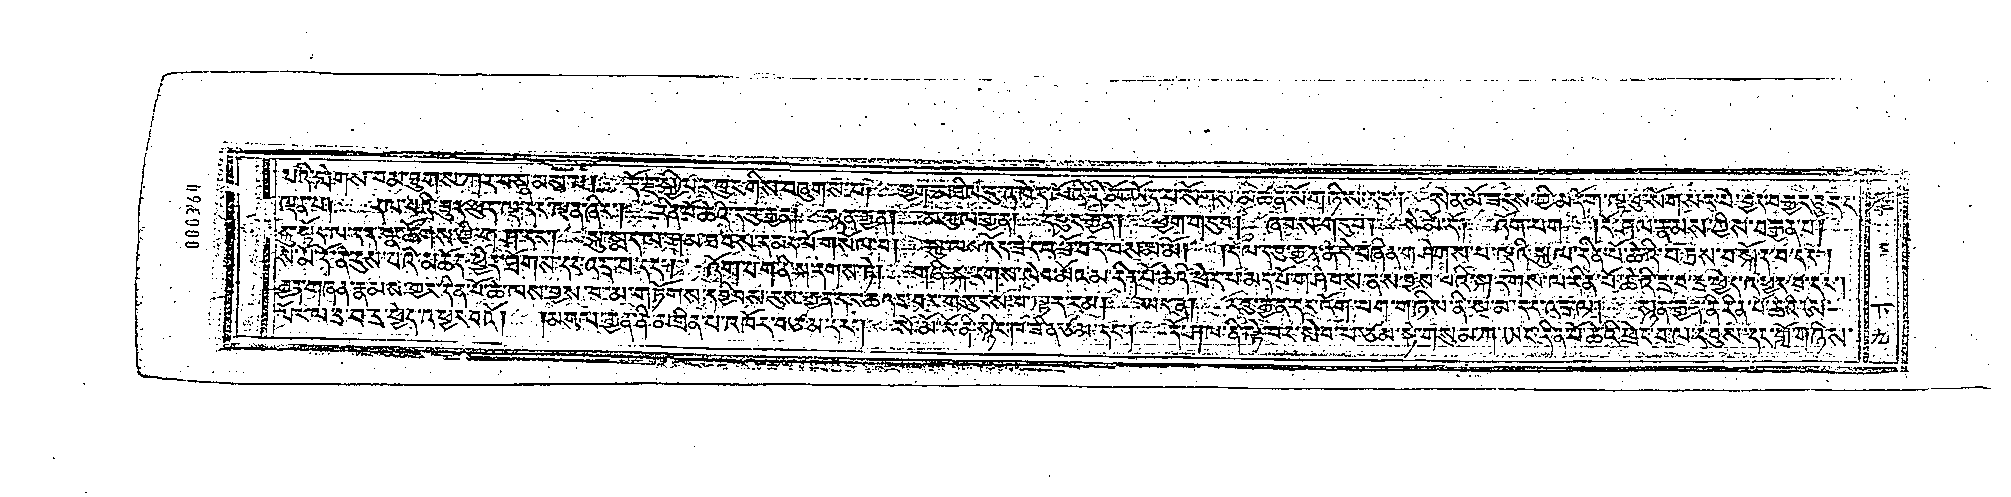པའི་གླེགས་བམ་ཐུགས་ཀར་བསྣམས་པ། རྡོ་རྗེ་སྐྱིལ་དཀྲུང་གིས་བཞུགས་པ། ཕྱག་མཐིལ་དུ་འཁོར་ལོའི་རི་མོ་ཡོད་པ་སོགས་མཚན་སོ་གཉིས་དང་། སེན་མོ་ཟངས་ཀྱི་མདོག་ལྟ་བུ་སོགས་དཔེ་བྱད་བརྒྱད་ཅུ་དང་
ལྡན་པ། རལ་པའི་ཟུར་ཕུད་ལྔ་དང་ལྡན་ཞིང་། རིན་པོ་ཆེའི་དབུ་རྒྱན། སྙན་རྒྱན། མགུལ་རྒྱན། དཔུང་རྒྱན། ཕྱག་གདུབ། ཞབས་གདུབ། སེ་མོ་དོ། འོག་པག །དོ་ཤལ་རྣམས་ཀྱིས་བརྒྱན་པ།
སྐུ་སྟོད་ལ་དར་སྣ་ཚོགས་ཀྱི་གཤ་དང་། སྐུ་སྨད་ལ་ཤམ་ཐབས་དམར་པོ་གསོལ་བ། སྐུ་ལས་འོད་ཟེར་འཕྲོ་བར་བསམ་མོ། །དེ་ལ་དབུ་རྒྱན་ན་དེ་བཞིན་གཤེགས་པ་ལྔའི་སྐུལ་རིན་པོ་ཆེའི་པ་ཏྲས་བསྐོར་བ་དང་
སོ་མོ་དོ་ནི་རུས་པའི་མཆོད་ཕྱིར་ཐོགས་དང་འདྲ་བ་དང་། འོག་པག་ནི་སྐ་རགས་ཏེ། གཞི་སྐ་རགས་ལེབ་མོའམ་རིན་པོ་ཆེའི་ཕྲེང་པ་མང་པོ་གཤིབས་ནས་བྱས་པའི་སྐ་རགས་ལ་རིན་པོ་ཆེའི་དྲ་བ་དྲ་ཕྱེད་འཕྱད་བ་དང་།
རྒྱན་གཞན་རྣམས་ཀྱང་རིན་པོ་ཆེ་ལས་བྱས་བ་མ་གཏོགས་དབྱིབས་རུས་རྒྱན་དང་ཆ་འདྲ་བར་གསུངས་པ་ལྟར་རམ། ཡང་ན། དབུ་རྒྱན་དང་འོག་པག་གཉིས་ནི་སྔ་མ་དང་འདྲ་ལ། སྙན་རྒྱན་ནི་རིན་པོ་ཆེའི་ཨ་
ལོང་ལ་དྲ་བ་དྲ་ཕྱེད་འཕྱང་བའོ། །མགུལ་རྒྱན་ནི་མགྲིན་པ་འཁོར་བ་ཙམ་དང་། སེ་མོ་ངོ་ནི་སྙིང་ཁ་ཟིན་ཙམ་དང་། དོ་ཤལ་ནི་ལྟེ་བར་སླེབ་པ་ཙམ་སྟེ་གསུམ་ཀ་ཡང་རིན་པོ་ཆེའི་ཕྲེང་བ་ལ་དབུས་དང་གློ་གཉིས་